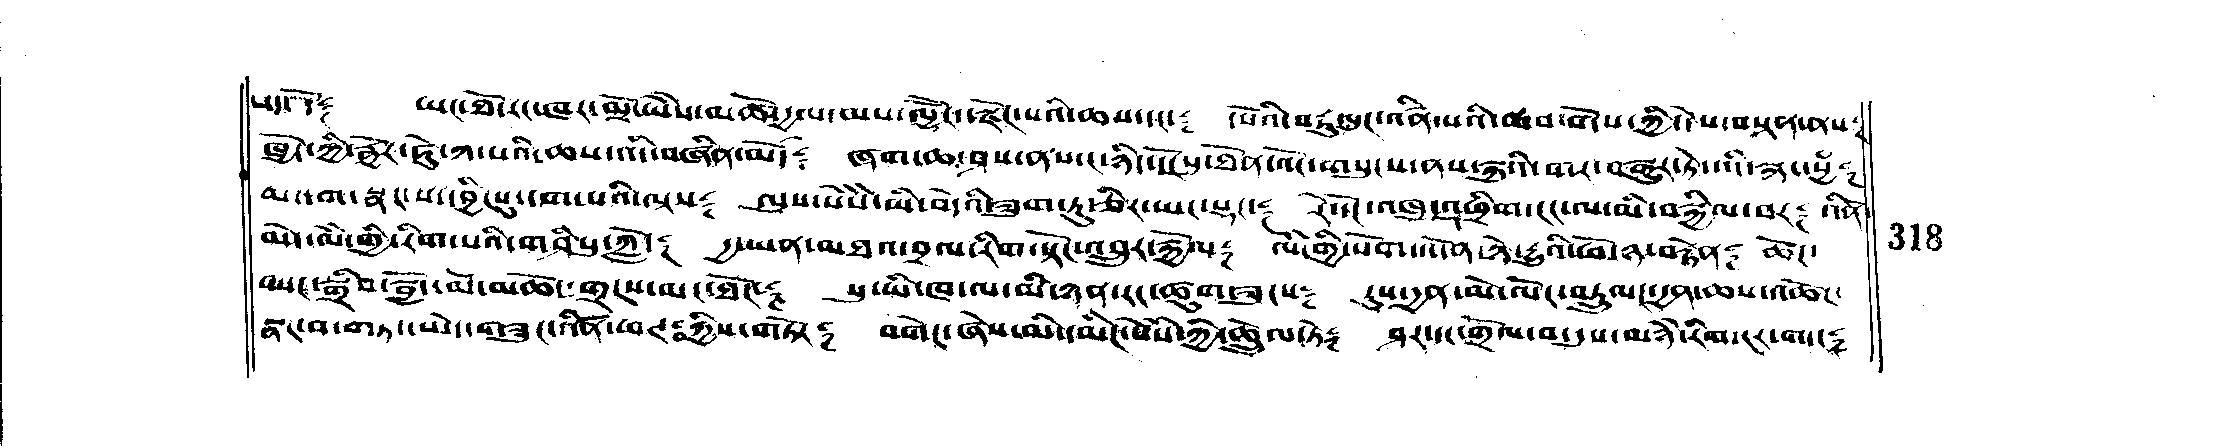སད་དོ། ཡང་ཐོ་རངས་ཁར་མཁའ་འགྲོ་ཡེ་ཤེས་མཚོ་རྒྱལ་མས་ལོངས་སྤྱོད་རྫོགས་པའི་ཆས་དང་།དཔའ་བོའི་བརྟུལ་ཞུགས་འཛིན་པའི་ཆས་གོས་ཀྱི་དཔེ་བསྟན་ནས། 
ཁྱོད་ཀྱི་རྣལ་འབྱོར་ཧེ་རུ་ཀ་པའི་ཆས་འདི་བཞིན་མཛོད། ཞག་ཆ་ཤས་ནས་ང་ཉིད་དངོས་སུ་ཐོན་འོང་གསུངས་ནས་སྐུའི་གར་བསྒྱུར་ཏེ་འདི་སྐད་གསུངས། 
མ་དག་སྣང་བ་དབྱིངས་སུ་དག་པའི་ལྟས། །ལུས་སེམས་མི་བདེའི་ཟུག་ངུ་ཅིར་ཡང་ལ་། །རེ་དོགས་འཁུ་འཕྲིག་ངང་ལ་མི་བསྐྱེལ་བར། །འཛིན་
མེད་ལམ་གྱི་རིག་པའི་གཤིས་སུ་ཀློད། །རྒྱ་ཡན་མཐའ་བྲལ་རིག་སྟོང་འབྲས་བུར་སྐྱོལ། །ལམ་གྱི་བོགས་འདོན་ཉེ་རྒྱུའི་ཕོ་ཉ་བརྟེན། །ཚོགས་
བསགས་སྒྲིབ་སྦྱོང་མེ་མཆོད་གྲངས་མང་ཐོངས། །སུ་ཡི་ཁ་ལ་མི་ཉན་རང་ཚུགས་ཟུངས། །རུས་རྒྱན་མེ་ལོང་བརྟུལ་ཞུགས་རྒྱན་ཆས་ཆོངས། །
སྣང་བ་གཏད་མེད་གཟུང་འཛིན་ཕཊཿཀྱིས་གཏོར། །བགེགས་ཞེས་མི་དམིགས་སེམས་ཀྱི་ཆོ་འཕྲུལ་ཏེ། །ཤར་དང་གྲོལ་བ་དུས་མཉམ་རིག་ངར་གདང་།